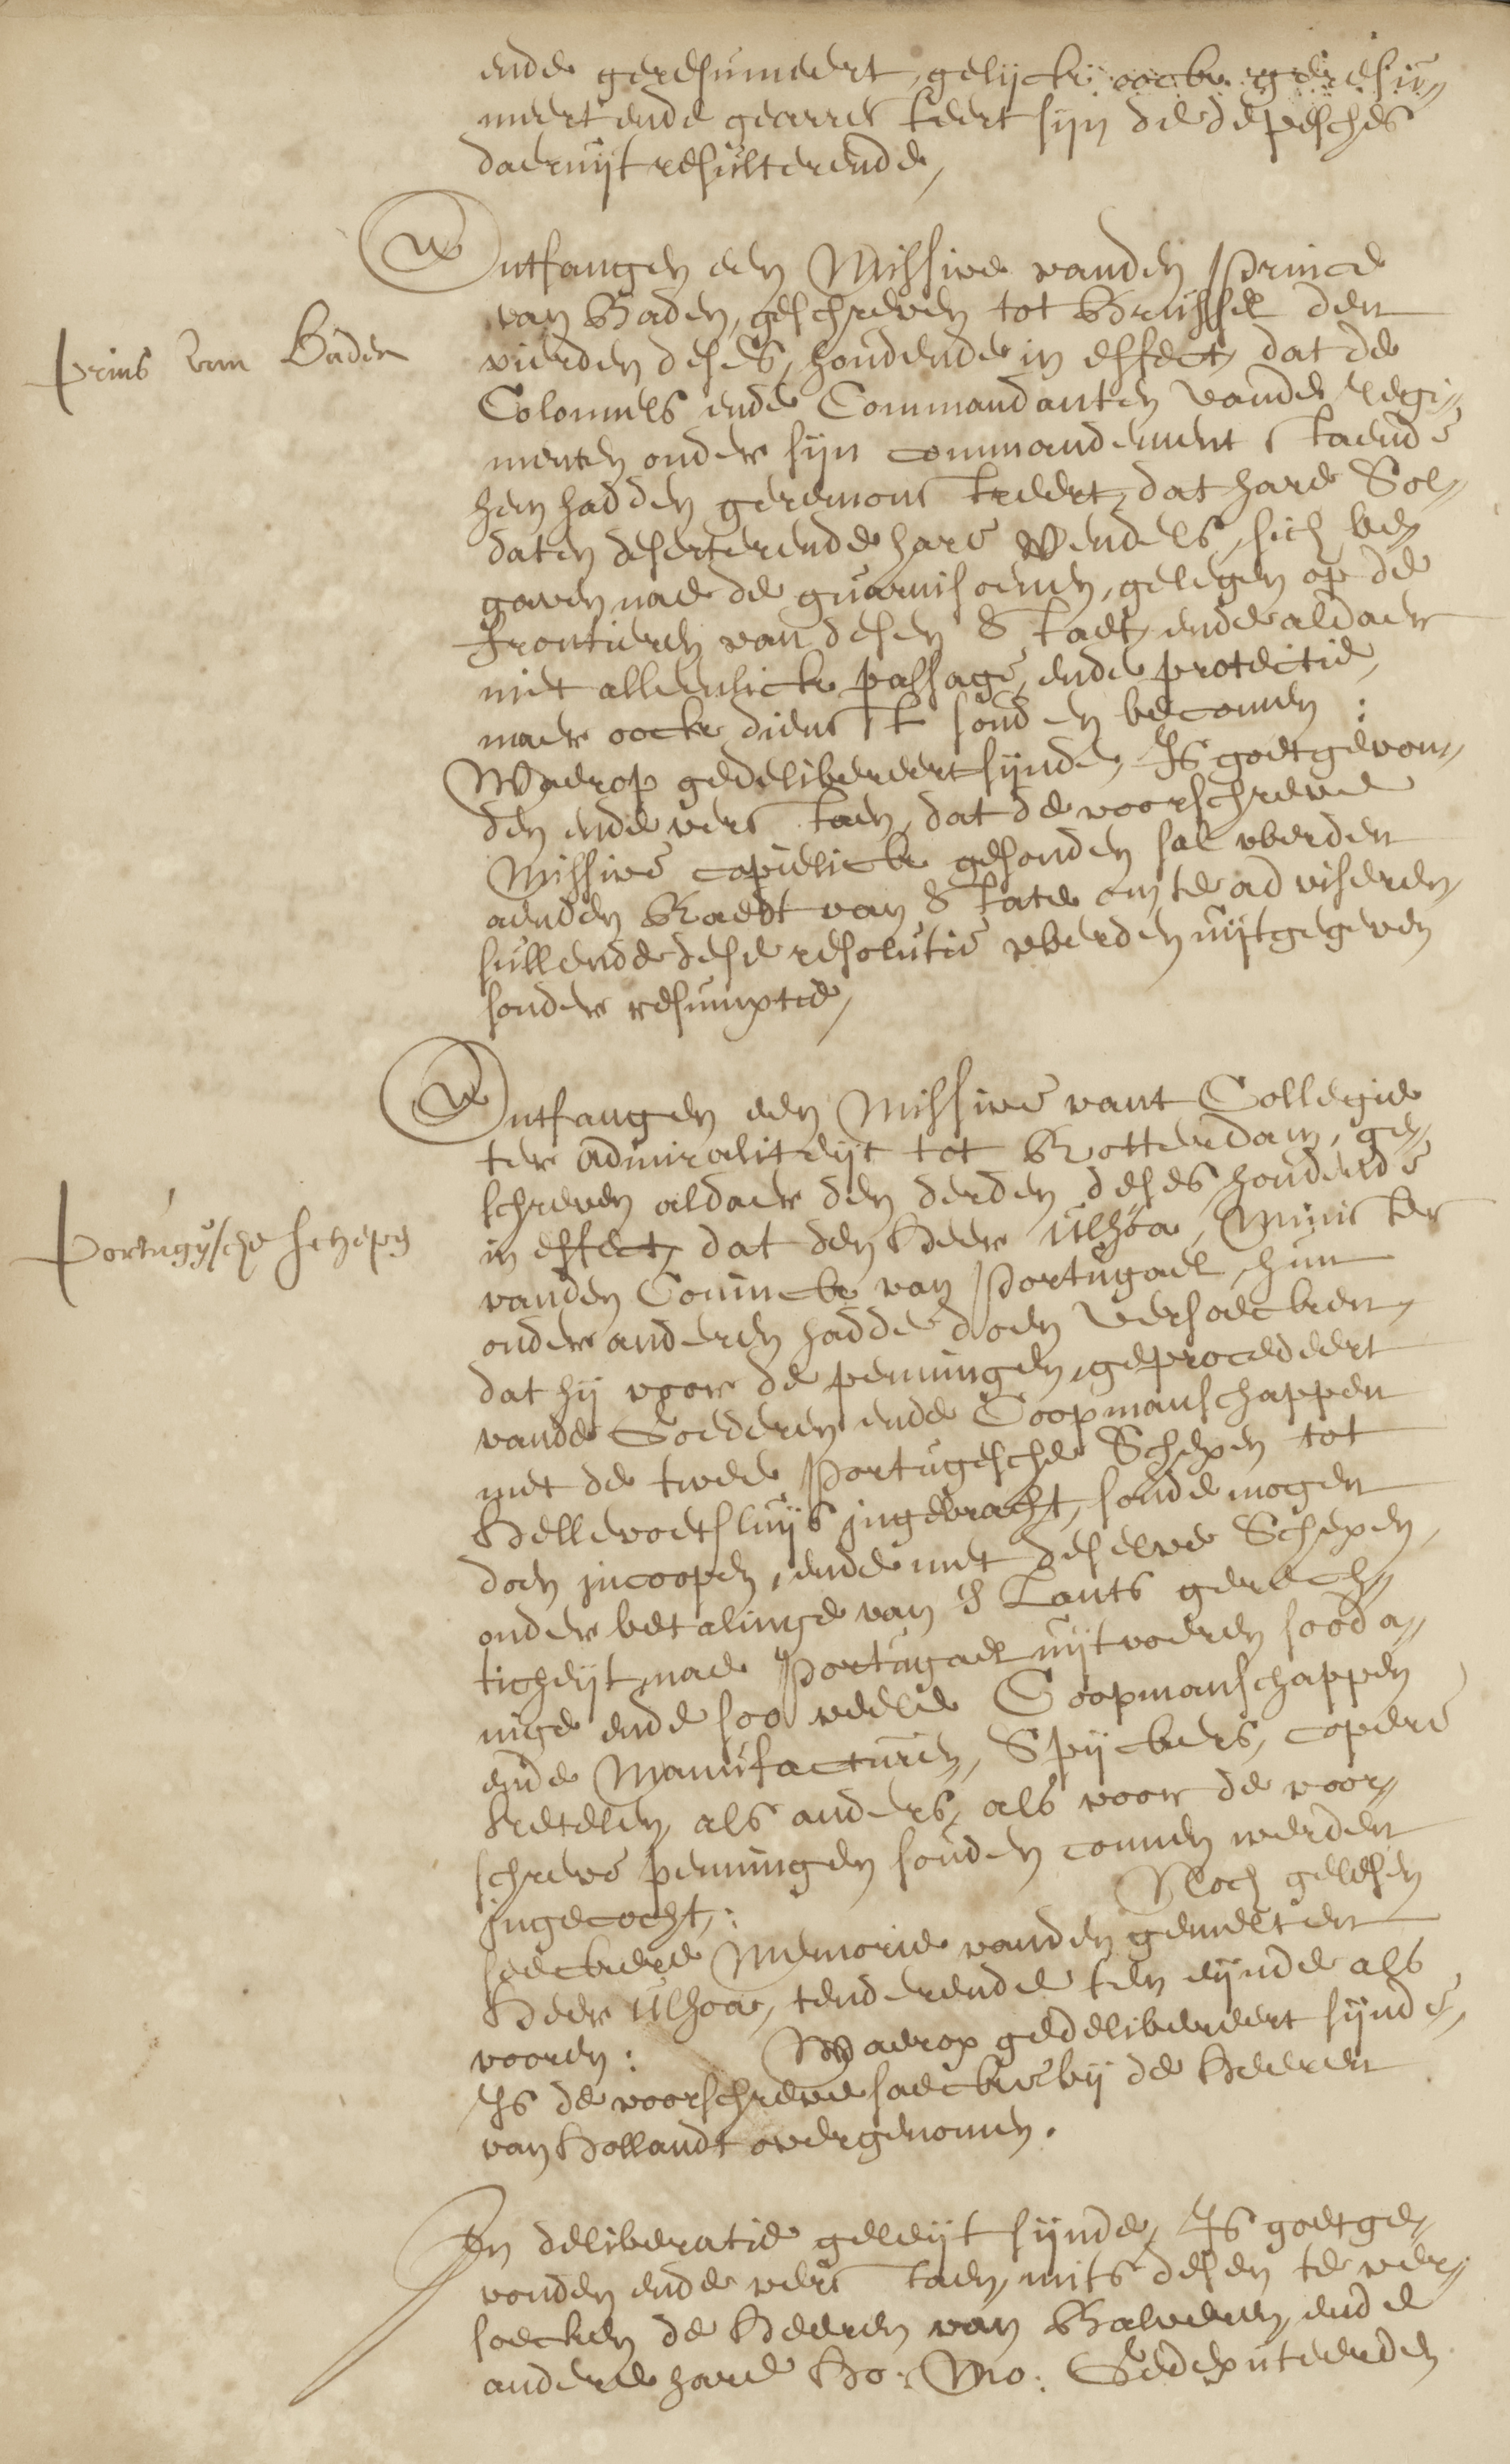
ende geresumeert, gelijck, oock geresu„
meert ende gearresteert sijn de depesches
daeruijt resulterende.
Prins van Baden
Ontfangen een missive vanden Prince
van Baden, geschreven tot Brusssel den
vierden deses, houdende in effect, dat de
Colonnels ende Commandanten vande regi„
menten onder sijn commandement staende
hem hadden geremonstreert, dat hare Sol,,
daten deserterende hare vendels, sich be,,
gaven nae de guarnisoenen, gelegen op de
frontieren van desen staet, ende aldaer
niet alleenlick passage ende protectie,
maer oock dienst souden becomen:
Waerop gedelibereert sijnde, Is goetgevon„
den ende verstaen, dat de voorschreve
missive copielick gesonden sal werden
aenden Raedt van State om te adviseren,
sullende dese resolutie werden uijtgegeven
sonder resumptie.
Portugijsche Schepen
Ontfangen een missive vant collegie
ter admiraliteijt tot Rotterdam, ge„,
schreven aldaer den derden deses, houdende
in effect, dat den Heer Ulhöa, minister
vanden Coninck van Portugael, hun
onder anderen hadde doen versoecken,
dat sij voor de penningen, geprocedeert
vande Goederen ende Coopmanschappen
met de twee Portugesche Schepen tot
Hellevoetsluijs ingebracht, soude mogen
doen incoopen, ende met deselve Schepen
onder betalinge van ‛s Lants gerech,
ticheijt, nae Portagael uijtvoeren sooda„
nige ende soo veele Coopmanschappen
ende manifacturen, Spijckers, copere
ketelen, als anders, als voor de voor„
schreve penningen souden connen werden
ingecocht,: Noch gelesen
seeckere memorie vanden gemelten
Heer Ulhoa, tenderende ten eijnde als
vooren: Waerop gedelibereert sijnde
Is de voorschreve saecke bij de Heeren
van Hollandt overgenomen.
In deliberatie geleijt sijnde, Is goetge„
vonden ende verstaen, mits desen te ver,,
soecken de Heeren van Balveren, ende
andere hare Ho:Mo: Gedeputeerden
